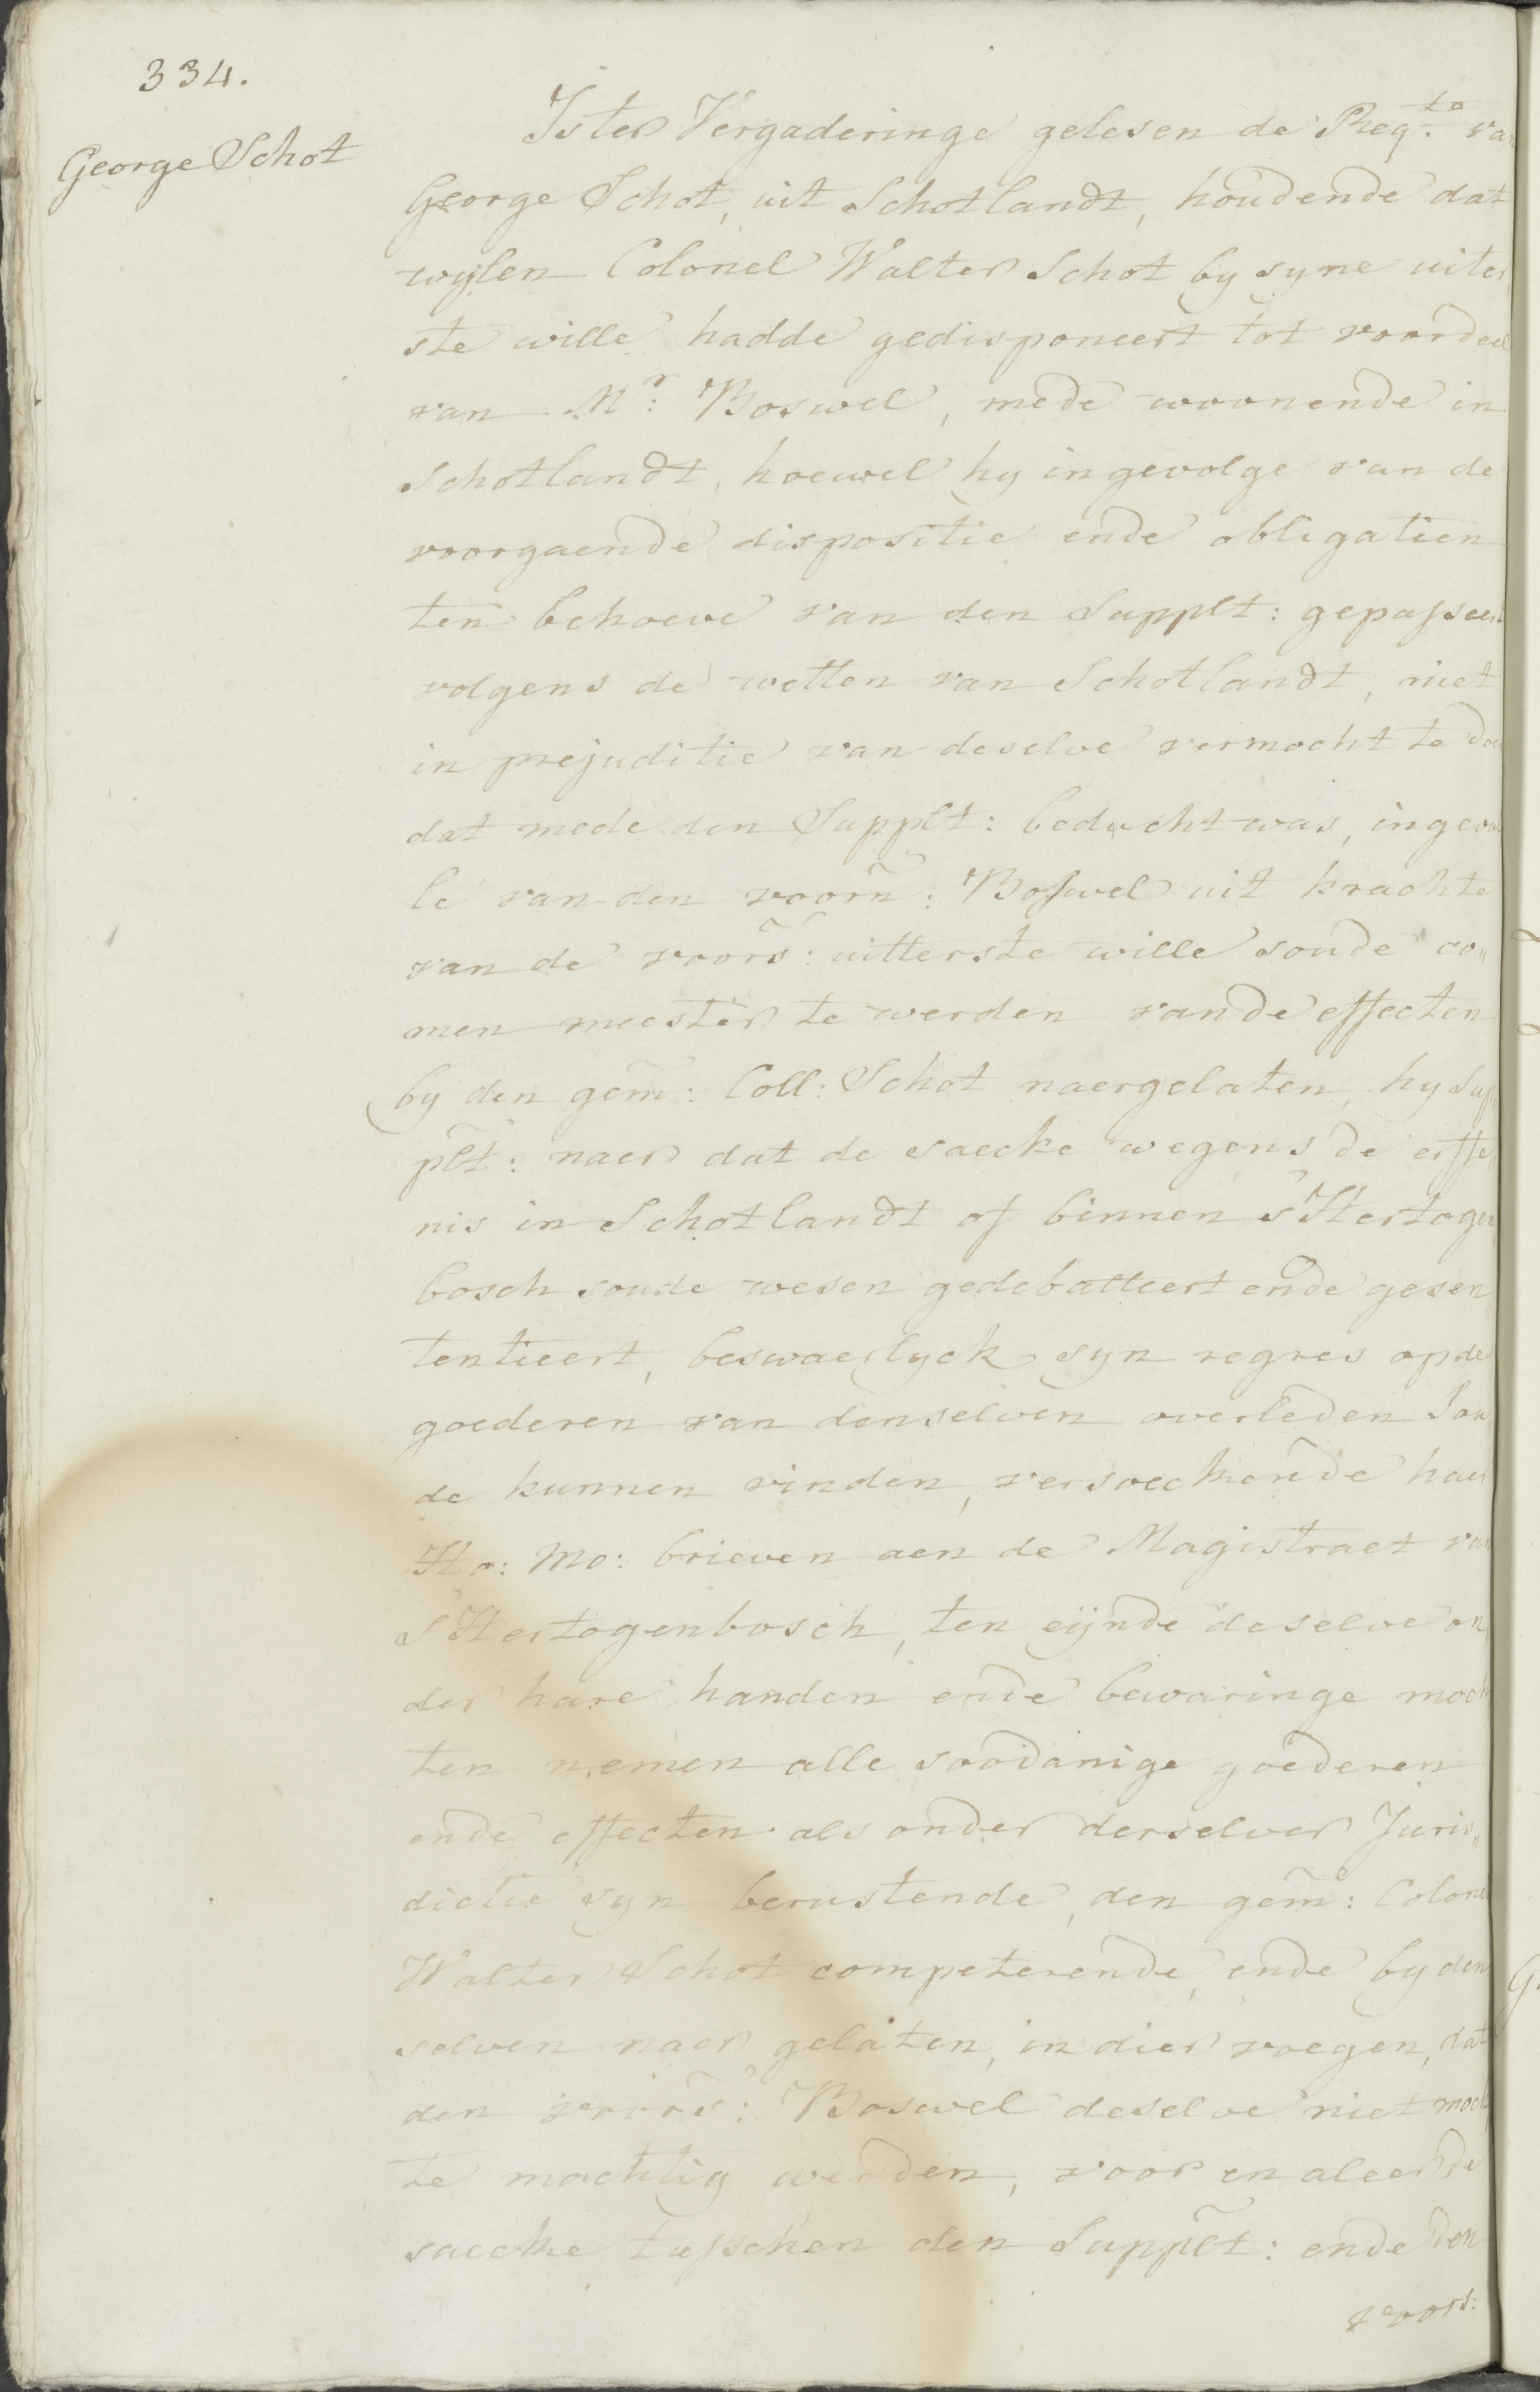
334.
George Schot
Is ter Vergaderinge gelesen de Req:te. van
George Schot, uit Schotlandt, houdende dat
wijlen Colonel Walter Schot bij sijne uiter„
ste wille hadde gedisponeert tot voordeel
van Mr: Boswel; mede woonende in
Schotlandt, hoewel hij ingevolge van den
voorgaende dispositie ende obligatien
ten behoeve van den Supplt: gepasseert
volgens de wetten van Schotlandt, niet
in prejuditie van deselve vermocht te doe
dat meede den Supplt: beducht was ingeval
le van den voorn: Boswel uit krachte
van de voors: uitterste wille soude co„
men meester te werden van de effecten
bij den gem: Coll. Schot naergelaten, hy Sup„
plt. naer dat de saecke teegens de erffe„
nis en Schotlandt of binnen s'Hertogen
bosch soude wesen gedebatteert ende gesen
tentieert, beswaerlijck sijn regres op de
goederen van denselven overleden Sou
de kunnen vinden, versoecken de haer
Ho: Mo: brieven aen de Magistraet van
S'Hertogenbosch, ten eijnde deselve on
der hare handen ende bewaringe moch
ten nemen alle soodanige goederen
ende effecten als onder derselver Juris„
dictie syn berustende, den geme: Colone
Walter, Schot competerende ende by den
selven naer gelaten, in dier voegen dat
den voors: Boswel deselve niet moch
te machtig werden, voor en aleer de
saecke tusschen den Supplt: ende den
voors:
